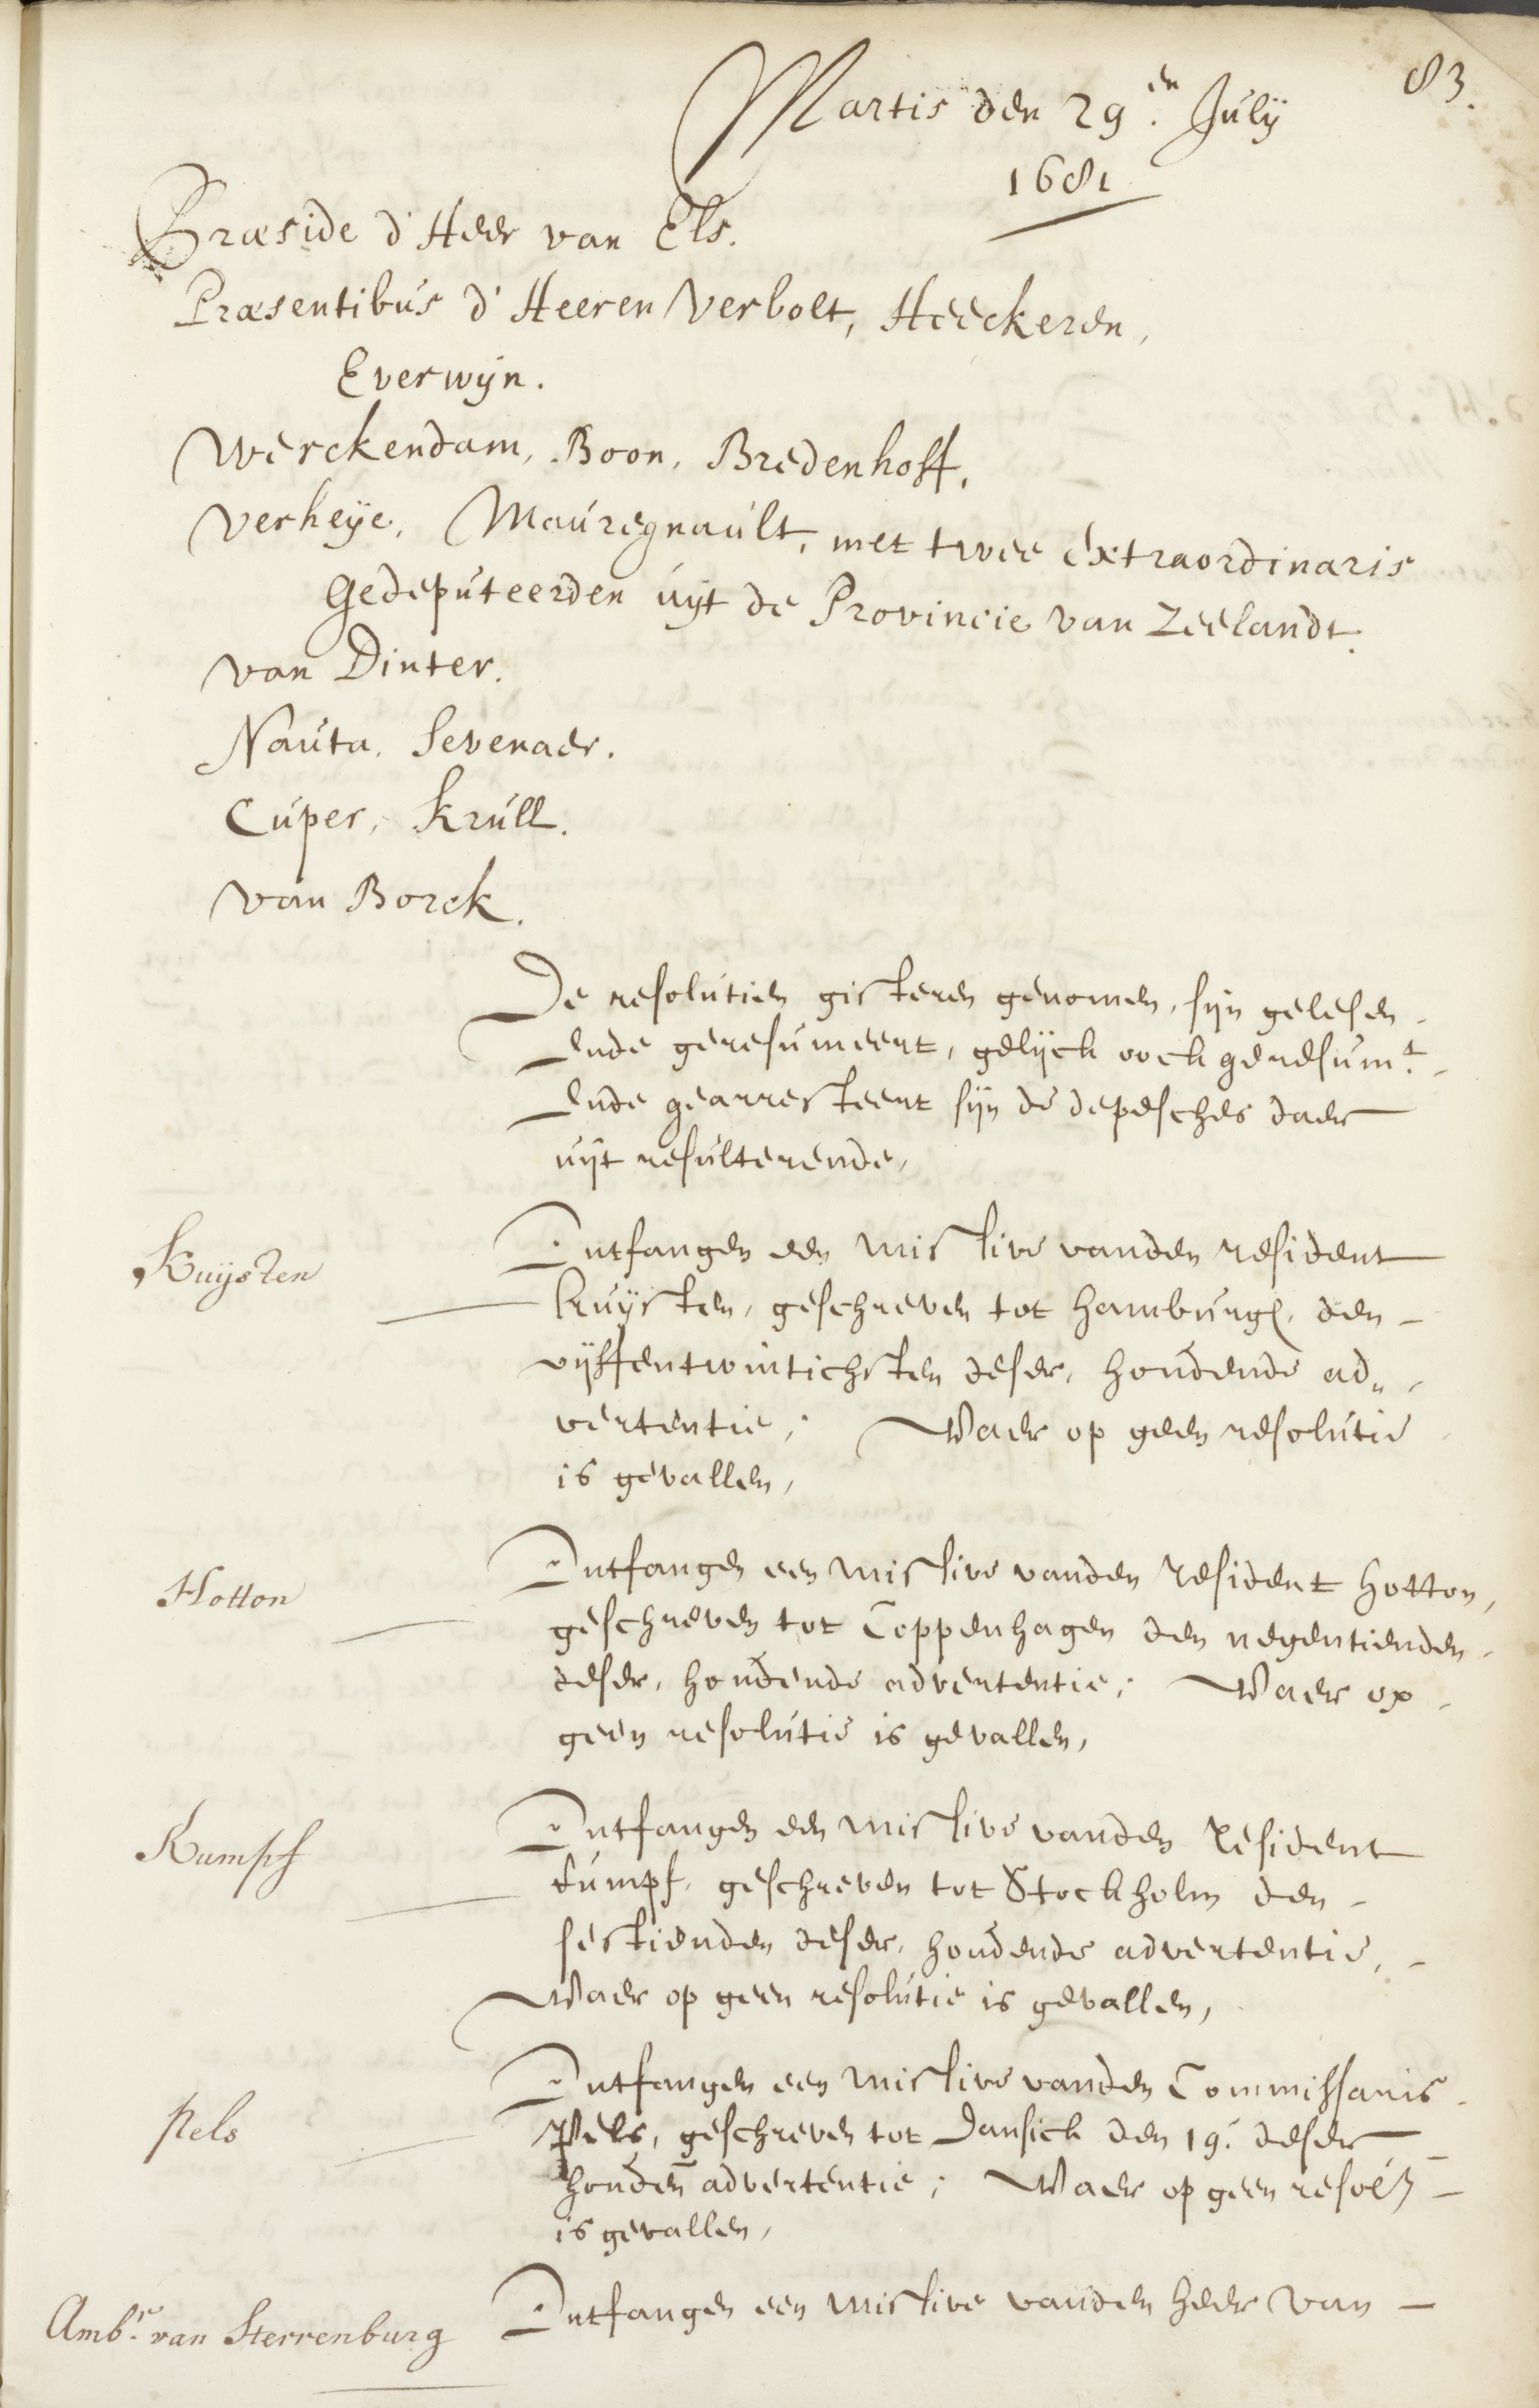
83.
Martis der 29en. Julij
1681
Præside d'Heer van Els.
Præsentibus d'Heeren Verbolt, Heeckeren,
Everwijn.
Werckendam, Boon, Bredenhoff,
Verheije, Mauregnault, met twee Extraordinaris
Gedeputeerden uijt de Provincie van Zeelandt.
van Dinter.
Nauta, Sevenaer.
Cuper, Krull.
van Borck.
De resolutien gisteren genomen, sijn gelesen
ende geresumeert, gelijck oock geresumt.
ende gearresteert sijn de depesches daer
uijt resulterende.
Kuijsten
Ontfangen een missive vanden resident
Kuijsten, geschreven tot hamburgh, den
vijffentwintichsten deser, houdende ad„
vertentie; Waer op geen resolutie
is gevallen.
Hotton
Ontfangen een missive vanden resident hotton
geschreven tot Coppenhagen den negentienden
deser, houdende advertentie; Waer op
geen resolutie is gevallen.
Rumpf
Ontfangen een missive vanden resident
Rumpf, geschreven tot Stockholm den
sestienden deser, houdende advertentie,
Waer op geen resolutie is gevallen.
Pels
Ontfangen een missive vanden Commissaris
Pels, geschreven tot Dansick den 19e. deser
houden advertentie; Waer op geen resol
is gevallen.
Ambr. van Sterrenburg
Ontfangen een missive vanden heer van
